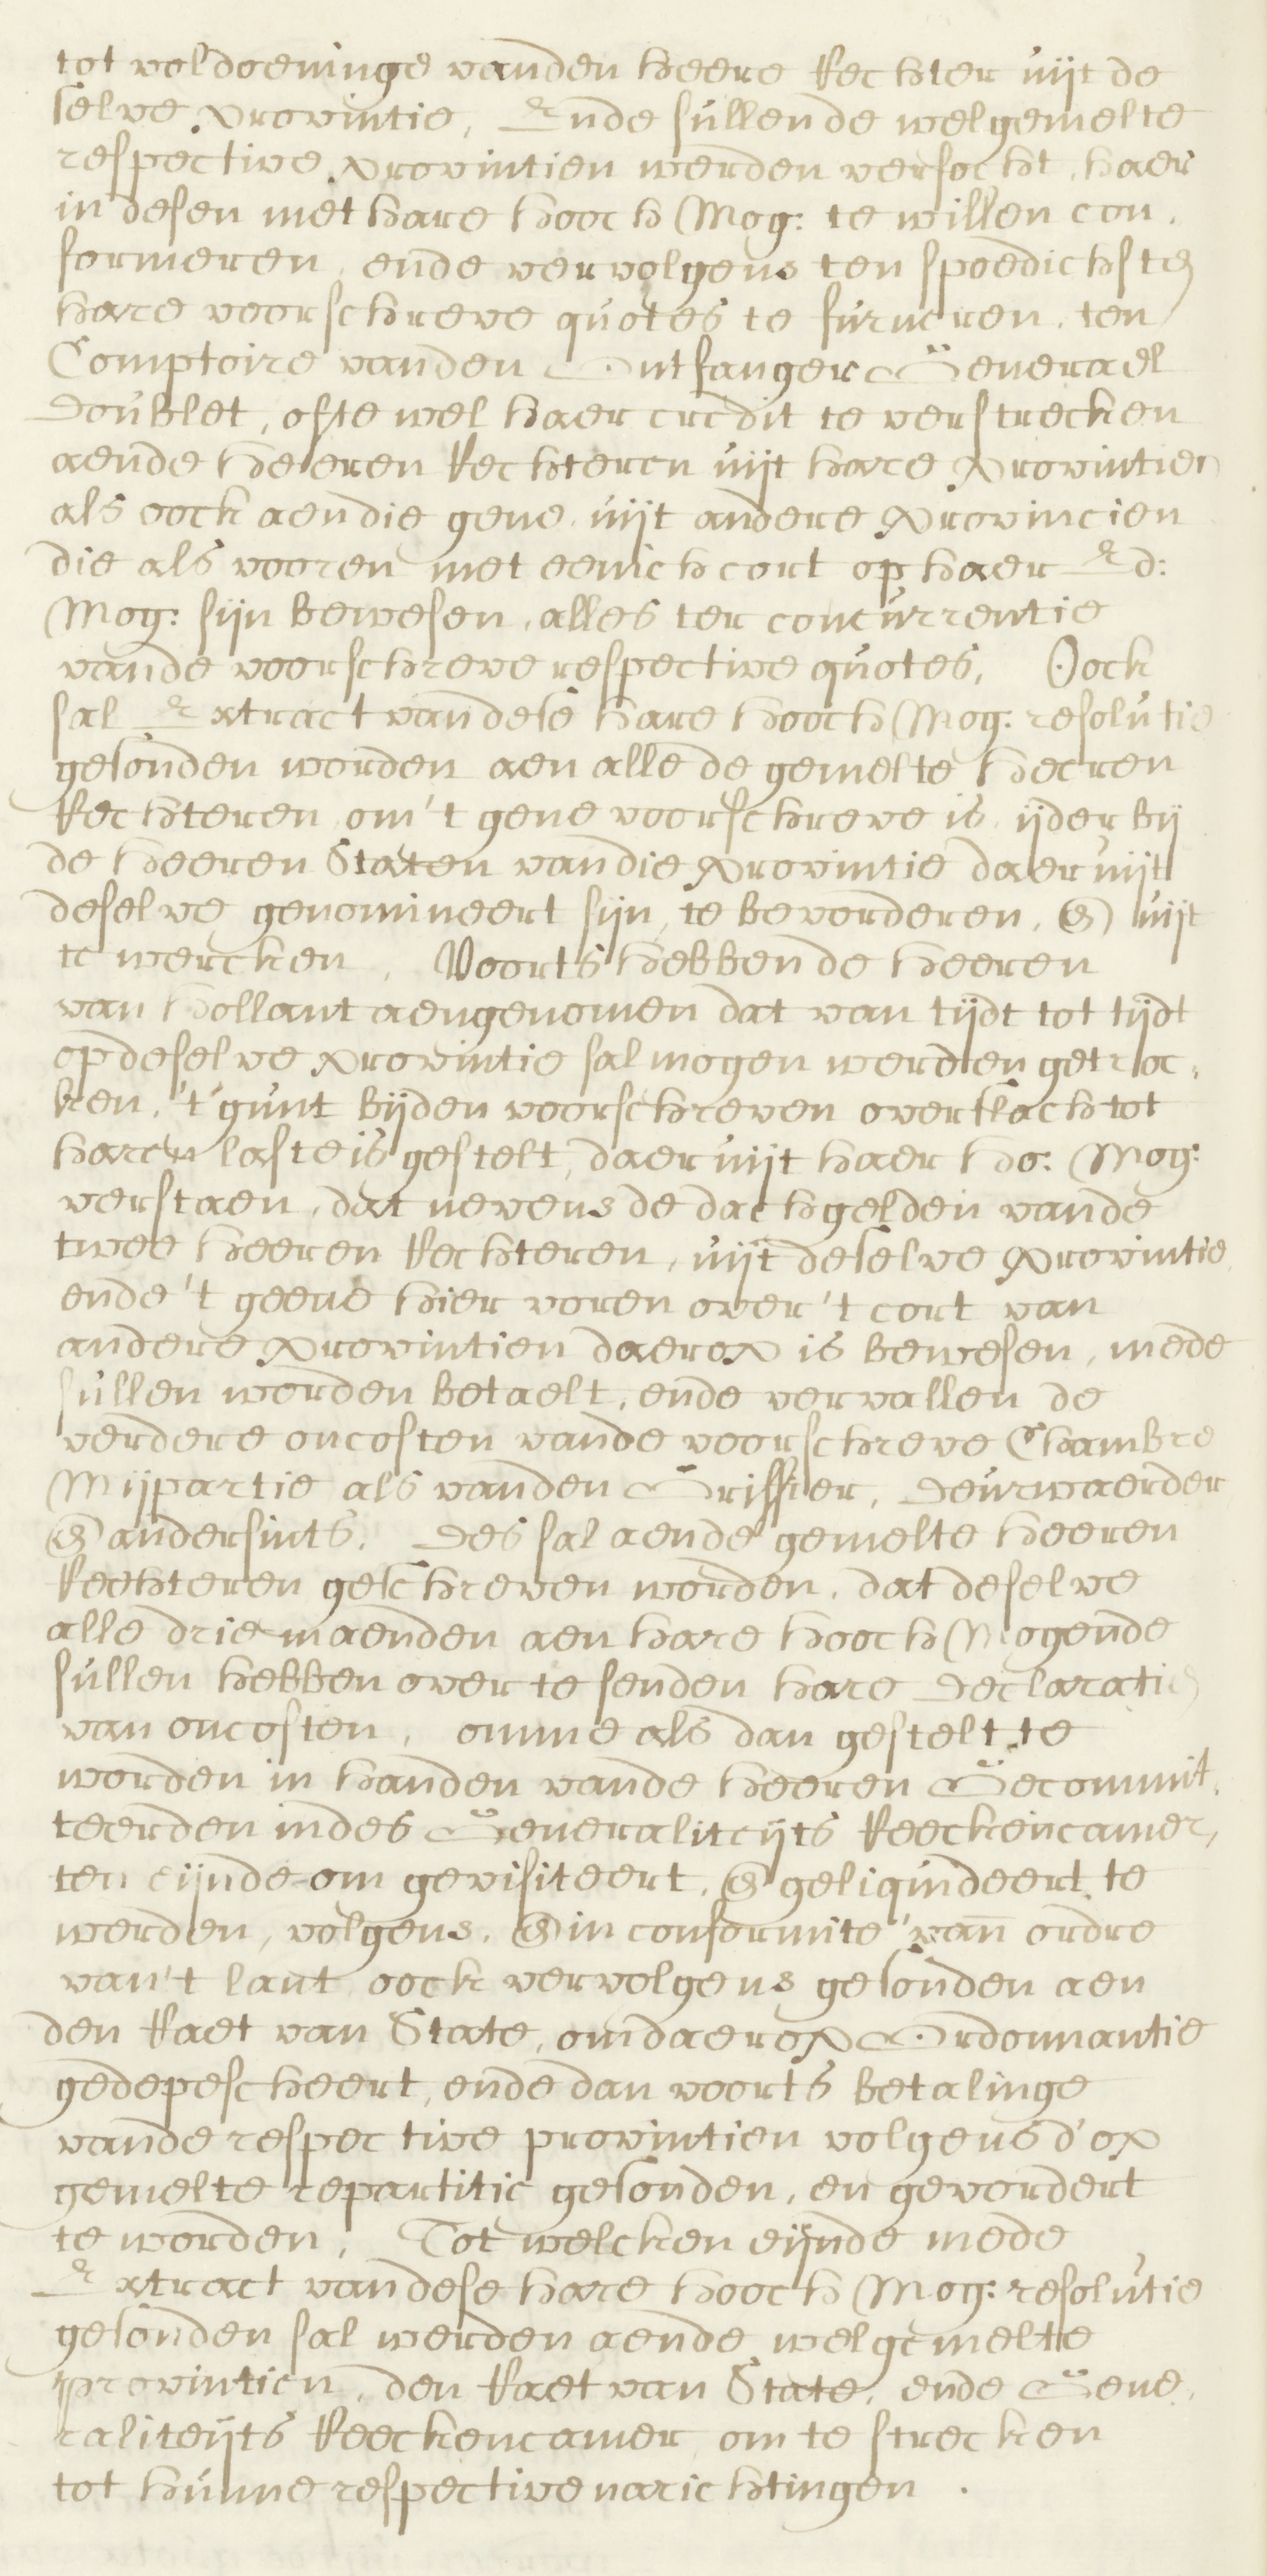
tot voldoeninge vanden heere Rechter uijt de
selve provintie. Ende sullen de welgemelte
respective provintien werden versocht, haer
in desen met hare hooch Mog: te willen con„
formeren, ende vervolgens ten spoedichsten
hare voorschreve quotes te furneren, ten
Comptoire vanden Ontfanger Generael
Doublet, ofte wel haer credit te verstrecken
aende Heeren Rechteren uijt hare provintien
als oock aen die gene uijt andere provincien
die als vooren met eenich cort op haer Ed:
Mog: sijn bewesen, alles ter concurrentie
vande voorschreve respective quotes. Oock
sal Extract van dese hare hooch Mog: resolutie
gesonden worden aen alle de gemelte heeren
Rechteren, om't gene voorschreve is, ijder bij
de heeren Staten van die provintie daeruijt
deselve genomineert sijn te bevorderen, & uijt
te wercken. Voorts hebben de heeren
van Hollant aengenomen dat van tijdt tot tijdt
op deselve provintie sal mogen werden getroc,,
ken, 't' gunt bijden voorschreven overslach tot
haren laste is gestelt, daeruijt haer Ho:Mog:
verstaen, dat nevens de dachgelden vande
twee Heeren Rechteren, uijt deselve provintie
ende 't geene hier voren over 't cort van
andere provintien daerop is bewesen, mede
sullen worden betaelt, ende vervallen de
verdere oncosten vande voorschreve Chambre
Mijpartie als vanden Griffier, Deurwaerder
& andersints. Des sal aende gemelte heeren
Rechteren geschreven worden, dat deselve
alle drie maenden aen hare hooch Mogende
sullen hebben over te senden hare declaratien
van oncosten, omme als dan gestelt te
worden in handen vande heeren Gecommit„
teerden indes Generaliteijts Reeckencamer,
ten eijnde om gevisiteert & geliquideert te
werden, volgens, & in conformité van ordre
van't lant oock vervolgens gesonden aen
den Raet van State om daerop Ordonnantie
gedepescheert, ende dan voorts betalinge
vande respective provintien volgens d'op
gemelte repartitie gesonden, en gevordert
te worden. Tot welcken eijnde mede
Extract van dese hare hooch Mog: resolutie
gesonden sal werden aende welgemelte
provintien, den Raet van State, ende Gene„
raliteijts Reeckencamer, om te strecken
tot hunne respective narichtingen.
